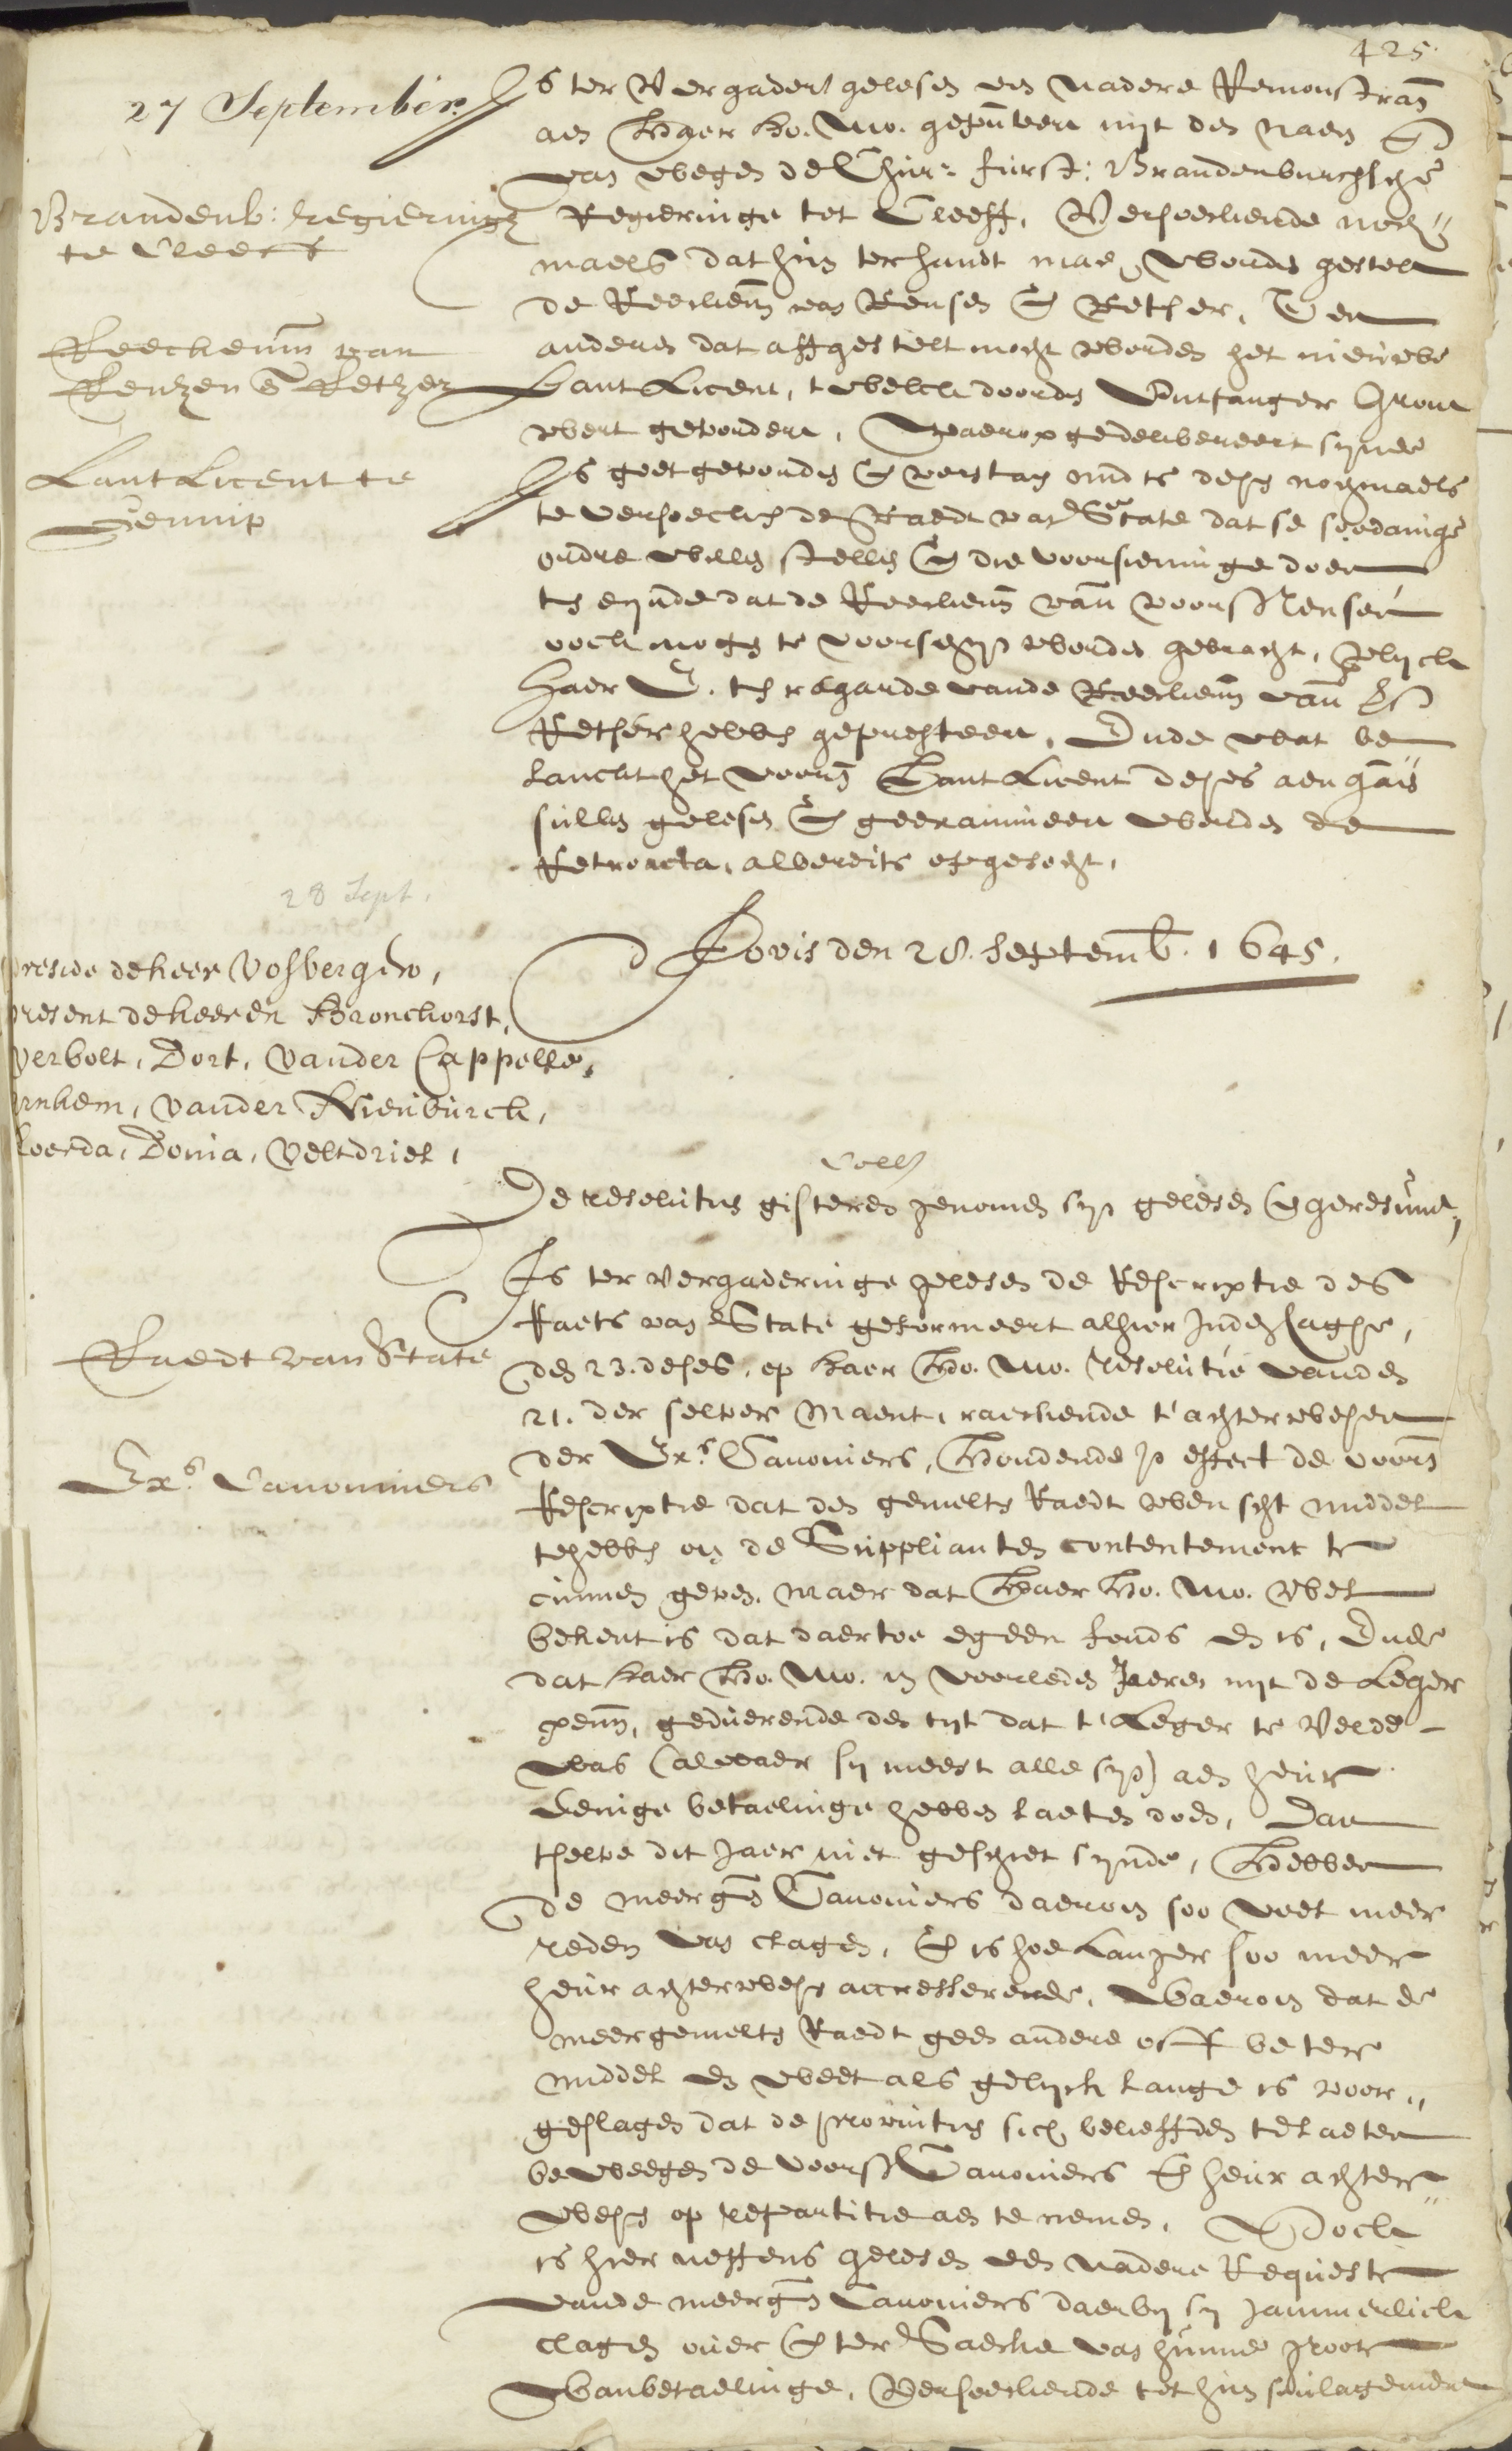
425
27 September
Brandenb: regieringh
te Cleeff
Reeckenin van
Renzen & Retzer
Lant Licent te
Gennip
Is ter vergader gelesen een nadere Remonstran
aen haer Ho.Mo. geputeer uijt den naem &
van wegen de Chur:furst: Brandenburchsche
Regieringe tot Cleeff. Versoeckende noch„
maels dat hun terhandt mach worden gestelt
de Reecken van Rensen & Retser. Ten
anderen dat affgestelt mocht werden het nieuwe
Lant Licent, twelck doorden Ontfanger Grone
wert gevordert. Waerop gedelibereert sijnde
Is goetgevonden & verstaen midts desen nochmaels
te versoecken de Raedt van State dat se soodanige
ordre willen stellen & die voorsieninge doen
ten eynde dat de Reeckenin van voorsz Rensen
oock mogen te voorschijn worden gebracht, gelijck
Haer E. ter regarde vande Reecken van vs
Retser hebben gepresteert. Ende wat be„
lanckt het voorn Lant Licent deses aengae
sullen gelesen & geexamineert werden de
Retroacta, albereits opgesocht.
28 sept .
Jovis den 28. Septemb. 1645
Preside de heer Vosbergen,
present de heeren Bronchorst,
Verbolt, Dort, vander Cappelle,
Arnhem, vander Nieuburch,
Roorda, Donia, Veltdriel.
Coll
De resolutien gisteren genomen syn gelesen & geresumt.
Raedt van State
Exs. Canonniers
Is ter vergaderinge gelesen de Rescriptie des
Raets van State geformeert alhier Inden Haghe,
den 23. deses, op Haer Ho.Mo. resolutie vanden
21. der selver maent, raeckende t' achterwesen
der Exs. Canoniers, Houdende In effect de voorn
Rescriptie dat den gemelten Raedt wenscht middel
te hebben om de Supplianten contentement te
cunnen geven, maer dat Haer Ho.Mo. wel
bekent is dat daertoe egeen fonds en is, Ende
dat Haer Ho.Mo. in voorleden Jaeren, uijt de Leger
penn, geduerende den tijt dat t' Leger te Velde -
was (alwaer sij meest alle sijn) aen heur
Eenige betaelinge hebben laeten doen. Dan
tselve dit Jaer niet geschiet sijnde, Hebben
de meer gem Canoniers daerom soo veel meer
reden van clagen, & is hoe Langer soo meer
heur achterwesen accresserende. Waerom dat de
meer gemelten Raedt geen andere off beter
middel en weet als gelijck lange is voor„
geslagen dat de provintien sich belieffden te laeten
beweegen de voorsz Canoniers & heur achter„
wesen op repartitie aen te nemen. Oock
is hier neffens gelesen een nadere Requeste
vande meer gem Canoniers daerbij sij jammerlick
clagen ouer & ter Saecke van hunne groote
Wanbetaelinge. Versoeckende tot hun soulagement
